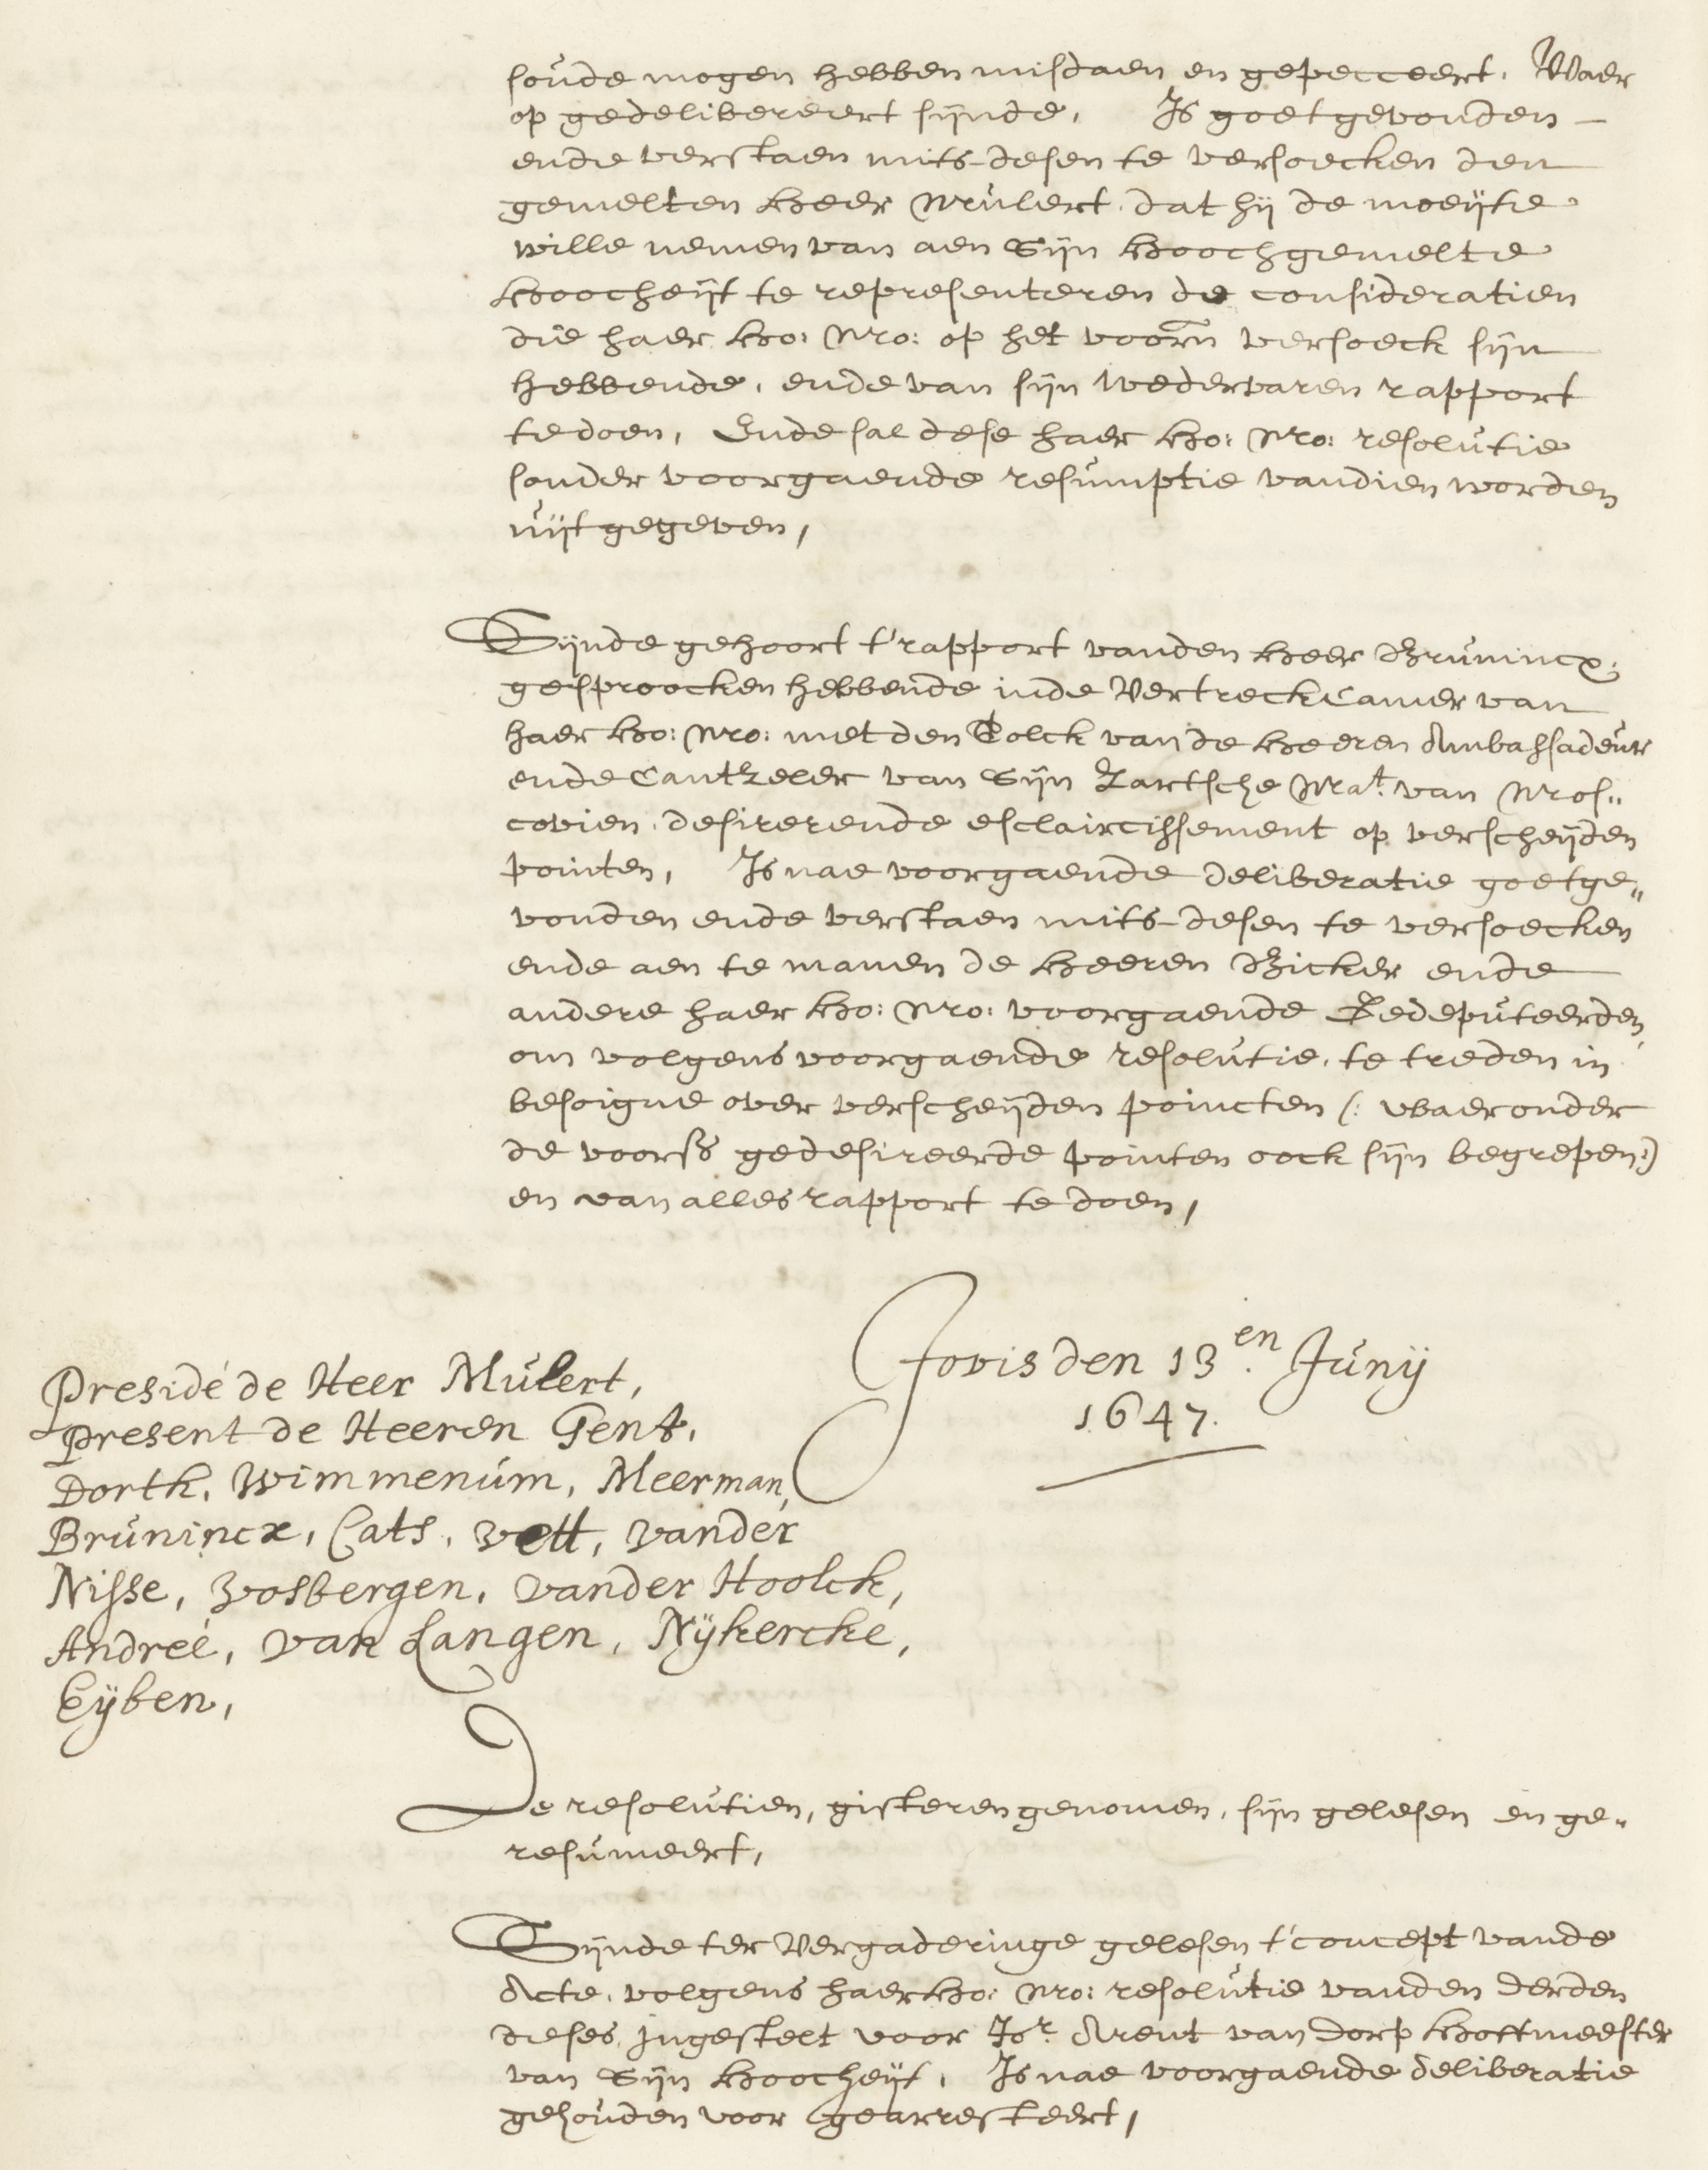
soude mogen hebben misdaen en gepecceert. Waer
op gedelibereert sijnde, Is goetgevonden
ende verstaen mits desen te versoecken den
gemelten Heer Mulert, dat hij de moeijte
wille nemen van aen Sijn Hoochgemelte
Hoocheijt te representeren de consideratien
die haer Ho:Mo: op het voorn versoeck sijn
hebbende, ende van sijn wedervaren rapport
te doen. Ende sal dese haer Ho:Mo: resolutie
sonder voorgaende resumptie vandien worden
uijtgegeven.
Sijnde gehoort t'rapport vanden Heer Brunincx,
gesproocken hebbende inde VertreckCamer van
haer Ho:Mo: met den Tolck van de heeren Ambassadeur
ende Cantzeler van Sijn Zartsche Mat. van Mos,,
covien, desirerende esclaircissement op verscheijden
pointen, Is nae voorgaende deliberatie goetge„
vonden ende verstaen mits desen te versoecken
ende aen te manen de heeren Bicker ende
andere haer Ho:Mo: voorgaende Gedeputeerden
om volgens voorgaende resolutie, te treden in
besoigne over verscheijden poincten (:waeronder
de voors gedesireerde pointen oock sijn begrepen:)
en van alles rapport te doen.
Jovis den 13en. Junij
1647.
Preside de Heer Mulert,
Present de Heeren Gent,
Dorth, Wimmenum, Meerman,
Brunincx, Cats, Vett, vander
Nisse, Vosbergen, vander Hoolck,
Andreé, van Langen, Nijkercke,
Eijben.
De resolutien, gisteren genomen, sijn gelesen en ge,,
resumeert.
Sijnde ter Vergaderinge gelesen t'concept vande
Acte, volgens haer Ho:Mo: resolutie vanden derden
deses, ingestelt voor Jor Arent van Dorp Hoffmeester
van Sijn Hoocheijt, Is nae voorgaende deliberatie
gehouden voor gearresteert.
